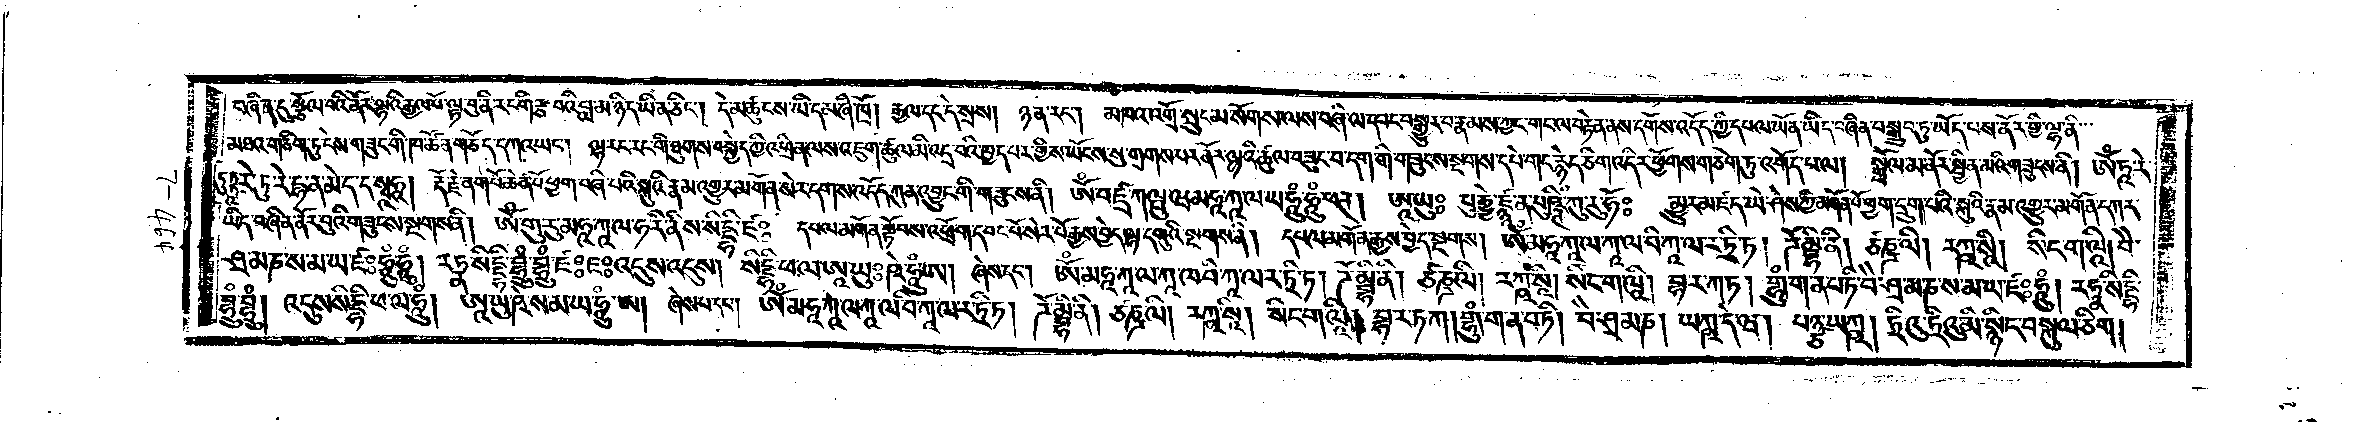བཞིན་དུ་སྩོལ་བའི་ནོར་ལྷའི་རྒྱལ་པོ་ལྟ་བུ་ནི་ནང་གི་རྩ་བའི་བླ་མ་ཉིད་ཡིན་ཅིང་། དེ་མཚུངས་ཡི་དམ་ཞི་ཁྲོ། རྒྱལ་དང་དེ་སྲས། ཉན་རང་། མཁའ་འགྲོ་སྲུང་མ་སོགས་ལས་བཞི་ལ་དབང་བསྒྱུར་བ་རྣམས་ཀྱང་གང་ལ་བརྟེན་ནས་དགོས་འདོད་ཀྱི་དཔལ་ཡོན་ཡིད་བཞིན་བསྒྲུབ་ཏུ་ཡོད་པས་ནོར་གྱི་ལྷ་ནི་
མཐའ་གཅིག་ཏུ་ངེས་གཟུང་གི་ཁ་ཚོན་གཅོད་དགའ་ཡང་། ལྷ་རང་རང་གི་ཐུགས་བསྐྱེད་ཀྱི་འཕྲིན་ལས་འཇུག་ཚུལ་མི་འདྲ་བའི་ཁྱད་པར་གྱིས་ཡོངས་སུ་གྲགས་བར་ནོར་ལྷའི་ཚུལ་བཟུང་བ་དག་གི་གཟུངས་སྔགས་དཔེ་གང་རྙེད་ཅིག་འདིར་ཕྱོགས་གཅིག་ཏུ་འགོད་པ་ལ། སྒྲོལ་མ་ནོར་སྦྱིན་མའི་གཟུངས་ནི། ཨོཾ་ཏཱ་རེ་
ཏུཏྟཱརེ་ཏུ་རེ་དྷ་ན་མེད་ད་སྭཱཧཱ། རྡོ་རྗེ་ནག་པོ་ཆེན་པོ་ཕྱག་བཞི་པའི་སྐུའི་རྣམ་འགྱུར་མགོན་སེར་དགས་འདོད་ཀུན་འབྱུང་གི་གཟུངས་ནི།  ཨོཾ་བཛྲ་ཀལྦུ?་ཝ་མཧཱ་ཀཱ་ལ་ཡ་ཧཱུཾ་ཧཱུཾ་ཕཊ། ཨཱ་ཡུཿ པུཎྱེ་ཛྙཱ་ན་པུཥྚིཾ་ཀུ་རུ་ཧོཿ མྱུར་མཛད་ཡེ་ཤེས་ཀྱི་མགོན་པོ་ཕྱག་དྲུག་པའི་སྐུའི་རྣམ་འགྱུར་མགོན་དཀར་
ཡིད་བཞིན་ནོར་བུའི་གཟུངས་སྔགས་ནི། ཨོཾ་གུ་རུ་མཧཱ་ཀཱ་ལ་ཧ་རི་ནི་ས་སིདྡྷི་ཛཿ དཔལ་མགོན་སྟོབས་འཕྲོག་དབང་པོ་སེར་པོ་རྒྱས་བྱེད་ལྷ་དགུའི་སྔགས་ནི། དཔལ་མགོན་རྒྱས་བྱེད་སྔགས།  ཨོཾ་མཧཱ་ཀཱ་ལ་ཀཱ་ལ་པི་ཀཱ་ལ་རཏྲི་ཏ། ཌོམྦྷི་ནི། ཙཎྜ་ལི། རཀྵ་སཱི། སིང་ག་ལཱི། བཻ་
ཤྲ་མཎ་ས་མ་ཡ་ཛཿ ཧཱུཾ་ཧཱུཾ། རཏྣ་སིདྡྷི་བྷྲུཾ་བྷྲུཾ་ཛཿ ཇཿ འདུས་འདུས། སིདྡྷི་ཕ་ལ་ཨཱ་ཡུཿ ཥེ་ཧཱུཾ་ཨ། ཞེས་དང་།  ཨོཾ་མཧཱ་ཀཱ་ལ་ཀཱ་ལ་བི་ཀཱ་ལ་ར་ཏྲི་ཏ། ཌོ་མྦྷི་ནི། ཙཎྜ་ལི། རཀྵ་སཱི། སིང་ག་ལཱི། བྷ་ར་ཀ་ཏ། གྷུཾ་ག་ན་པེ་ཏི་པཻ་ཤྲ་མཎ་ས་མ་ཡ་ཛཿ ཧཱུཾ། རཏྣ་སིདྡྷི་
བྷྲུཾ་བྷྲུཾ། འདུས་སིདྡྷི་ཕ་ལ་ཧཱུཾ། ཨཱ་ཡུ་ཥེ་ས་མ་ཡ་ཧཱུཾ་ཨ། ཞེས་པ་དང་།  ཨོཾ་མཧཱ་ཀཱ་ལ་ཀཱ་ལ་བི་ཀཱ་ལ་ར་ཏྲི་ཏ། ཌོམྦྷི་ནི། ཙཎྜ་ལི། རཀྵ་སཱི། སིང་ག་ལཱི། བྷ་ར་ཏ་ཀ །གྷུཾ་ག་ན་པ་ཏེ། བཻ་ཤྲ་མཎ། ཡཀྵ་དེ་ཝ། པཉྩ་ཡཀྵ། ཏྲིའུ་ཏྲིའུ་མི་སྙིང་བསྐུལ་ཅིག།